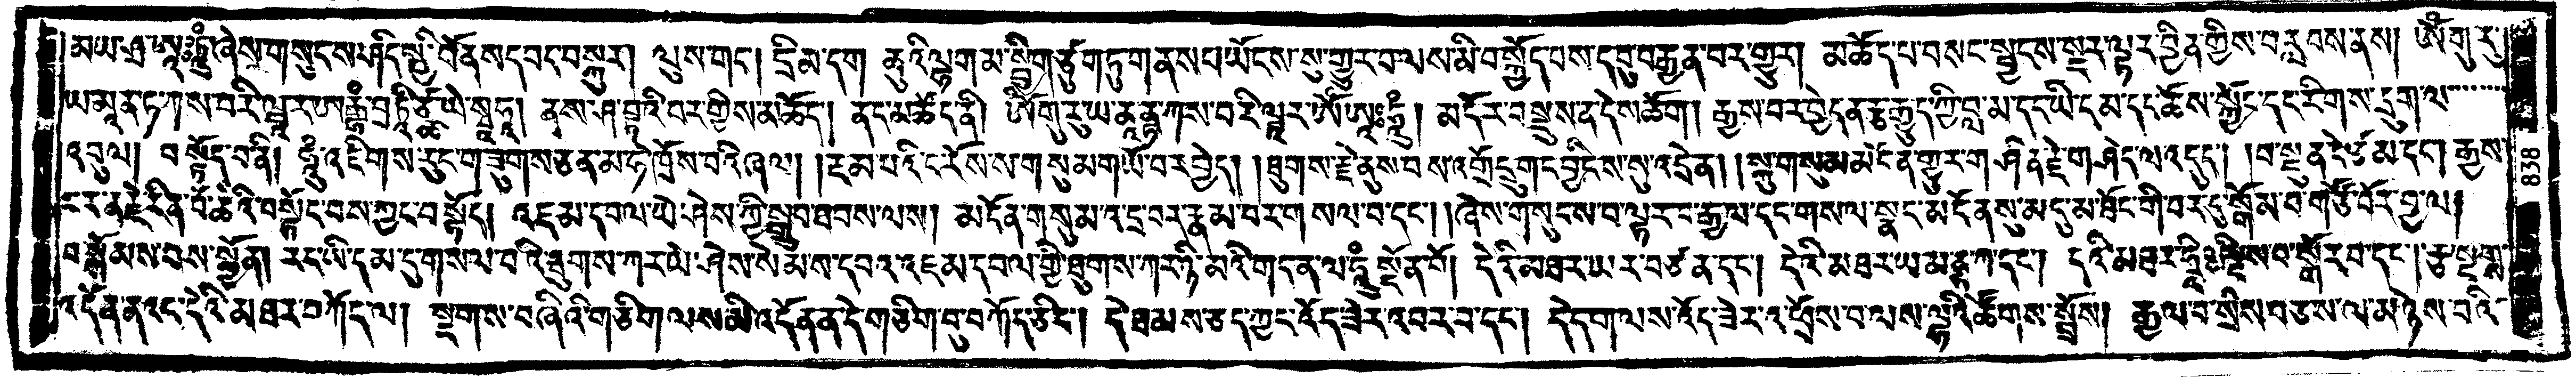མ་ཡ་ཤྲ་ཨཱཿ ཧཱུཾ་ཞེས་གསུངས་ཤིད་སྦྱི་ཐོ་ནས་དབང་བསྐུར། ལུས་གང་། དྲི་མ་དག་ཆུའི་ལྷག་མ་སྤྱི་གཙུག་ཏུ་གནས་པ་ཡོངས་སུ་གྱུར་བ་ལས་མི་བསྐྱོད་པས་དབུ་བརྒྱན་བར་གྱུར། མཆོད་པ་བསང་སྦྱངས་སྔར་ལྟར་བྱིན་གྱིས་བརླབས་ནས། ཨོཾ་གུ་རུ་
ཡ་མཱན་ཏ་ཀས་བ་རི་ཝཱ་ར་ཨརྒྷཾ་པྲ་ཏཱི་ཙྪ་ཡེ་སྭཱ་ཧཱ། ནས་ཤ་བཏའི་བར་གྱིས་མཆོད། ནད་མཆོད་ནི། ཨོཾ་གུ་རུ་ཡ་ནཱནྟ་ཀས་བ་རི་ཝཱར་ཨོཾ་ཨཱཿ ཧཱུཾ། མདོར་བསྡུས་ན་དེས་ཆོག། རྒྱས་པར་བྱེད་ན་རྩ་རྒྱུད་ཀྱི་བླ་མ་དང་ཡི་དམ་དང་ཆོས་སྐྱོང་དང་རིགས་དྲུག་ལ་
འབུལ། བསྟོད་པ་ནི། ཧཱུཾ་འཇིགས་རུང་གཟུགས་ཅན་མ་ཧེ་གྲོས་པའི་ཞལ། །རྔམ་པའི་ང་རོས་ས་གསུམ་གཡོ་བར་བྱེད། །ཐུགས་རྗེ་ནུས་བས་འགྲོ་དྲུག་དབྱིངས་སུ་འདྲེན། །སྐུ་གསུམ་མངོན་གྱུར་གཤིན་རྗེ་གཤེད་ལ་འདུད། །བ་སྡུན་དེ་ཙམ་དང་། རྒྱས་
བར་ན་རྗེ་རིན་པོ་ཆེའི་བསྟོད་པས་ཀྱང་བསྟོང་། འཇམ་དཔལ་ཡེ་ཤེས་ཀྱི་སྒྲུབ་ཐབས་ལས། མངོན་གསུམ་འདྲ་བར་རྣམ་བར་གསལ་བ་དང་། །ཞེས་གསུངས་བ་ལྟར་བརྒྱལ་དང་གསལ་སྣང་མངོན་སུམ་དུ་མ་ཐོང་གི་བར་དུ་སྒོམ་བ་གཙོ་བོར་ཕྱལ།
བ་སྒོམས་བས་སྐྱོན། རང་ཡི་དམ་དུ་གསལ་བའི་ཐུགས་ཀར་ཡེ་ཤེས་སེམས་དབའ་འཇམ་དབལ་གྱི་ཐུགས་ཀར་ཉི་མའི་གདན་ལ་ཧཱུཾ་སྔོན་པོ། དེའི་མཐར་ཡར་བཙན་དང་། དེའི་མཐར་ཡ་མནྟ་ཀ་དང་། དའི་མཐར་ཧྲཱིཿ ཥྡི་ས་བསྐོར་བ་དང་། རྩ་སྔགས་
འདོན་ནའང་དེའི་མཐར་བཀོད་ལ། སྔགས་བཞིའི་གཅིག་ལས་མི་འདོན་ན་དེ་གཅིག་བུ་བཀོད་ཅིང་། དེ་ཐམས་ཅད་ཀྱང་འོད་ཟེར་འབར་བ་དང་། དེ་དག་ལས་འོད་ཟེར་འཕྲོས་བ་ལས་ལྷའི་ཚོགས་སྦྲོས། རྒྱལ་བ་སྲས་བཅས་ལ་མཉེས་བའི་